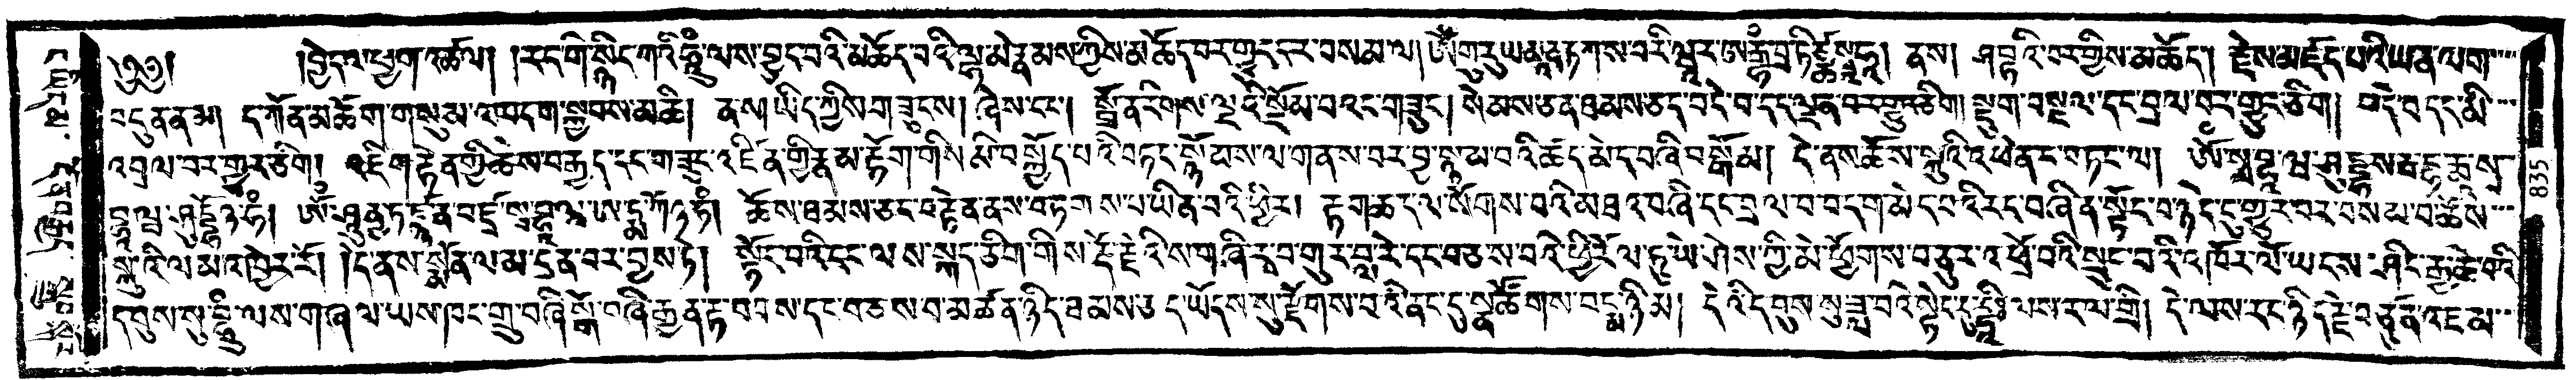༄༅། །བྱེད་ལ་ཕྱག་འཚལ། །རང་གི་སྙིད་ཀའི་ཧཱུཾ་ལས་བྱུང་བའི་མཆོད་པའི་ལྷ་མེ་རྣམས་ཀྱིས་མཆོད་བར་གྱུར་དར་བསམ་ལ། ཨོཾ་གུ་རུ་ཡ་མཱ་ན་ཏ་ཀ་ས་བ་རི་ཝཱ་ར་ཨརྒྷཾ་བྲ་ཏི་ཙྪ་སྭཱཧཱ། ནས། ཤབཏའི་ངར་གྱིས་མཆོད། རྗེས་མཛད་པའི་ཡན་ལག་
བདུན་ནམ། དཀོན་མཆོག་གསུམ་ལ་བདག་སྐྱབས་མཆི། ནས། ཡིད་ཀྱིས་གཟུངས། ཞེས་དང་། སྦྲོན་རིགས་ལྔའི་སྔོམ་པའང་གཟུང་། སེམས་ཅན་ཐམས་ཅད་བདེ་བ་དང་ལྡན་པར་གྱུར་ཅིག། སྡུག་བསྔལ་དང་བྲལ་བར་གྱུར་ཅིག། བདེ་བ་དང་མི་
འབྲལ་བར་གྱུར་ཅིག། འཇིག་རྟེན་གྱི་ཆེས་བརྒྱད་དང་གཟུང་འཛིན་གྱི་རྣམ་རྟོག་གིས་མི་བསྐྱོད་པའི་བཏང་སྙོམས་ལ་གནས་བར་བྱ་སྙམ་པའི་ཚད་མེད་བཞི་བསྒོམ། དེ་ནས་ཆོས་སྐུའི་འཕེན་པ་བཏང་ལ། ཨོཾ་སྭ་བྷཱ་ཝ་ཤུདྡྷ་སརྦ་བྷ་དྷརྨཱ་སྲ་
བྷཱ་ཝ་ཤུདྡྷོ་ཉཧཾ། ཨོཾ་ཤཱུ་ནྱ་ཏ་ཛྙཱ་ན་བཛྲ་སྭ་བྷཱ་ཝ་ཨ་ཏྨ་ཀོ་ཉཏཾ། ཆོས་ཐམས་ཅད་བརྟེན་ནས་བཏགས་པ་ཡིན་བའི་ཕྱིར། རྟག་ཆད་ལ་སོགས་བའི་མཐའ་བཞི་དང་བྲལ་བ་བདག་མེད་པའི་རང་བཞིན་སྟོང་བ་ཉིད་དུ་གྱུར་བར་བསམ་བ་ཆོས་
སྐུའི་ལམ་འཁྱེར་རོ། །དེ་ནས་སྨོན་ལམ་དྲན་བར་བྱས་ཏེ། སྙོང་བའི་དང་ལས་སྐད་ཅིག་གིས་རྡོ་རྗེའི་ས་གཞི་རྭ་བ་གུར་བླ་རེ་དང་བཅས་བའི་ཕྱི་རོལ་ཏུ་ཡེ་ཤེས་ཀྱི་མེ་ཕྱོགས་བཅུར་འཕྲོ་བའི་སྲུང་བའི་འཁོར་ལོ་ཡངས་ཤིང་རྒྱ་ཆེ་བའི་
ད་བུས་སུ་བྷྲུཾ་ལས་གཞལ་ཡས་ཁང་གྲུ་བཞི་སྒོ་བཞི་རྒྱན་རྟ་བབས་དང་བཅས་བ་མཚན་ཉིད་ཐམས་ཅད་ཡོངས་སུ་རྫོགས་པའི་ནང་དུ་སྣ་ཚོགས་པདམ་ཉི་མ། དེའི་དབུས་སུ་ཟླ་བའི་སྟེང་དུ་དྷཱིཿ ལས་རལ་གྲི། དེ་ལས་རང་ཉིད་རྗེ་བཙུན་འཇམ་